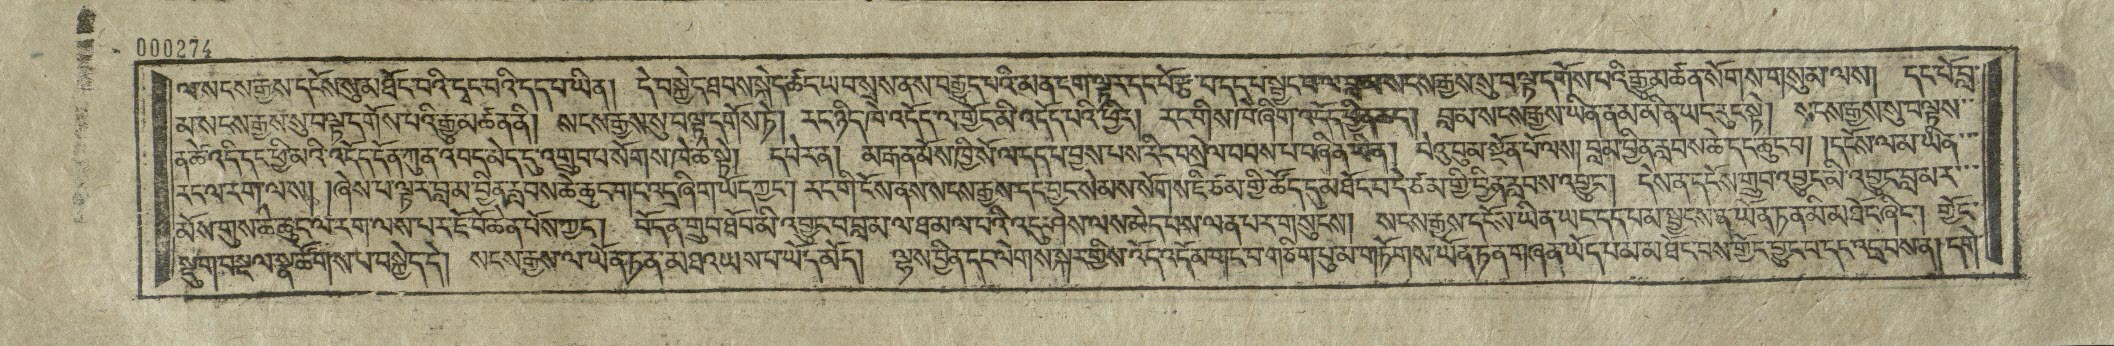ལ་སངས་རྒྱས་དངོས་སུ་མཐོང་བའི་དྭང་བའི་དད་པ་ཡིན། དེ་བསྐྱེད་ཐབས་སྐེད་ཚང་ཡབ་སྲས་ནས་བརྒྱུད་པའི་མན་ངག་ལྟར་དང་པོ་རྩ་བ་དད་པ་སྦྱང་བ་ལ་བླ་མ་སངས་རྒྱས་སུ་བལྟ་དགོས་པའི་རྒྱུ་མཚན་སོགས་གསུམ་ལས། དང་པོ་བླ་
མ་སངས་རྒྱས་སུ་བལྟ་དགོས་པའི་རྒྱུ་མཚན་ནི། སངས་རྒྱས་སུ་བལྟ་དགོས་ཏེ། རང་ཉིད་ཁེ་འདོད་ལ་གྱོང་མི་འདོད་པའི་ཕྱིར། རང་གིས་ཁེ་ཞིག་འདོད་ཕྱིན་ཆད། བླ་མ་སངས་རྒྱས་ཡིན་ནམ་མིན་ཡང་རུང་སྟེ། སངས་རྒྱས་སུ་བལྟས་
ན་ཚེ་འདི་དང་ཕྱི་མའི་འདོད་དོན་ཀུན་འབད་མེད་དུ་འགྲུབ་པ་སོགས་ཁེ་ཆེ་སྟེ། དཔེར་ན། མ་རྒན་མོས་ཁྱི་སོ་ལ་དད་པ་བྱས་པས་རིང་བསྲེལ་བབས་པ་བཞིན་ཡིན། བེའུ་བུམ་སྔོན་པོ་ལས། བླ་མ་བྱིན་རླབས་ཆེ་དང་ཆུང་བ། །དངོས་ལ་མ་ཡིན་
རང་ལ་རག་ལས། །ཞེས་པ་ལྟར་བླ་མ་བྱིན་རླབས་ཆེ་ཆུང་གང་འདྲ་ཞིག་ཡོད་ཀྱང་། རང་གི་ངོས་ནས་སངས་རྒྱས་དང་བྱང་སེམས་སོགས་ཇི་ཙམ་གྱི་ཚོད་དུ་མཐོང་བ་དེ་ཙམ་གྱི་བྱིན་རླབས་འབྱུང་། དེས་ན་དངོས་གྲུབ་འབྱུང་མི་འབྱུང་བླ་མར་
མོས་གུས་ཆེ་ཆུང་ལ་རག་ལས་པར་ཇོ་བོ་ཆེན་པོས་ཀྱང་། བོད་ན་གྲུབ་ཐོབ་མི་འབྱུང་བ་བླ་མ་ལ་ཐ་མལ་པའི་འདུ་ཤེས་ལས་མེད་པས་ལན་པར་གསུངས། སངས་རྒྱས་དངོས་ཡིན་ཡང་དད་པ་མ་སྦྱངས་ན་ཡོན་ཏན་མི་མཐོང་ཞིང་། གྱོང་
སྡུག་བསྔལ་སྣ་ཚོགས་པ་བསྐྱེད་དེ། སངས་རྒྱས་ལ་ཡོན་ཏན་མཐའ་ཡས་པ་ཡོད་མོད། ལྷས་བྱིན་དང་ལེགས་སྐར་གྱིས་འོད་འདོམ་གང་བ་གཅིག་པུ་མ་གཏོགས་ཡོན་ཏན་གཞན་ཡོད་པ་མ་མཐོང་བས་གྱོང་བྱུང་བ་དང་འདྲ་བས་ན། དགེ་